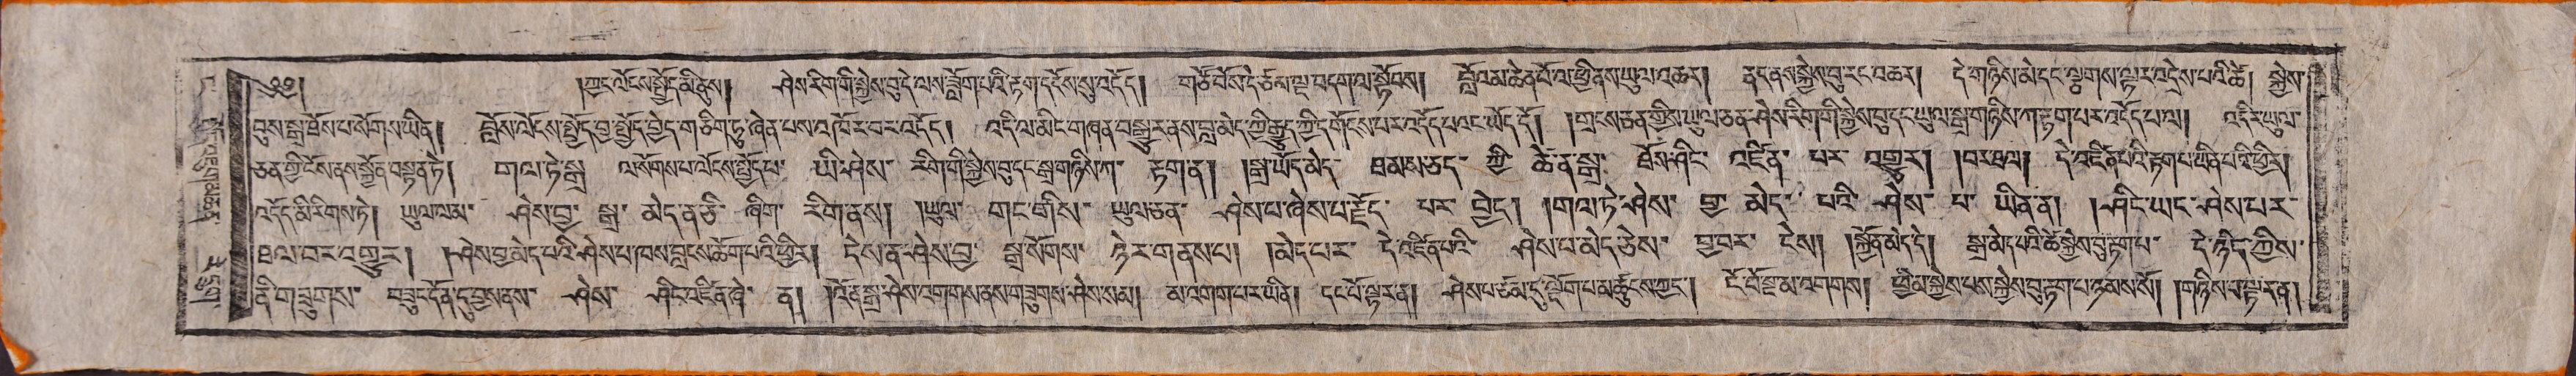༄༅། །ཀྱང་ལོངས་སྤྱོད་མི་ནུས། ཤེས་རིག་གི་སྐྱེས་བུ་དེ་ལས་ཟློག་པའི་རྟག་དངོས་སུ་འདོད། གཙོ་བོས་དེ་ཙམ་ལྔ་བདག་ལ་སྟོབས། བློའམ་ཆེན་པོ་ལ་ཕྱི་ནས་ཡུལ་འཆར། ནང་ནས་སྐྱེས་བུ་རང་འཆར། དེ་གཉིས་མེ་དང་ལྕགས་ལྟར་འདྲེས་པའི་ཚེ༑ སྐྱེས་
བུས་སྒྲ་ཐོས་པ་སོགས་ཡིན། བློས་ལོངས་སྤྱོད་བྱ་སྤྱོད་བྱེད་གཅིག་ཏུ་ཞེན་པས་འཁོར་བར་འདོད། འདི་ལ་མིང་གཞན་བསྒྱུར་ནས་བླ་མེད་ཀྱི་རྒྱུད་ཀྱི་དགོངས་པར་འདོད་པའང་ཡོད་དོ། །གྲངས་ཅན་གྱིས་ཡུལ་ཅན་ཤེས་རིག་གི་སྐྱེས་བུ་དང་ཡུལ་སྒྲ་གཉིས་ཀ་རྟག་པར་འདོད་པ་ལ། འདིར་ཡུལ་
ཅན་གྱི་ངེས་ནས་སྐྱོན་བསྟན་ཏེ། གལ་ཏེ་སྒྲ་ལ་སོགས་པ་ལོངས་སྤྱོད་པ་ཡི་ཤེས་རིག་གི་སྐྱེས་བུ་དང་སྒྲ་གཉིས་ཀ་རྟག་ན། །སྒྲ་ཡོད་མེད་ཐམས་ཅད་ཀྱི་ཚེ་ན་སྒྲ་ཐོས་ཤིང་འཛིན་པར་འགྱུར། །བར་ཐལ། དེ་འཛིན་པའི་རྟག་པ་ཡིན་པའི་ཕྱིར།
འདོད་མི་རིགས་ཏེ། ཡུལ་ལམ་ཤེས་བྱ་སྒྲ་མེད་ན་ཅི་ཞིག་རིག་ནས། །ཡུལ་གང་གིས་ཡུལ་ཅན་ཤེས་པ་ཞེས་བརྗོད་པར་བྱེད། །གལ་ཏེ་ཤེས་བྱ་མེད་པའི་ཤེས་པ་ཡིན་ན། །ཤིང་ཡང་ཤེས་པར་
ཐལ་བར་འགྱུར། །ཤེས་བྱ་མེད་པའི་ཤེས་པ་ཁས་བླངས་ཆོག་པའི་ཕྱིར། དེས་ན་ཤེས་བྱ་སྒྲ་སོགས་ཉེར་གནས་པ། །མེད་པར་དེ་འཛིན་པའི་ཤེས་པ་མེད་ཅེས་བྱ་བར་ངེས། །སྐྱོན་མེད་དེ། སྒྲ་མེད་པའི་ཚེ་སྐྱེས་བུ་རྟག་པ་དེ་ཉིད་ཀྱིས་
ནི་གཟུགས་བཟུང་དོན་དུ་བྱས་ནས་ཤེས་ཤིང་འཛིན་ཞེ་ན། །འོ་ན་སྒྲ་ཤེས་འགགས་ནས་གཟུགས་ཤེས་སམ། མ་འགག་པར་ཡིན། དང་པོ་ལྟར་ན། ཤེས་པ་ཙམ་དུ་ལྡོག་པ་མཚུངས་ཀྱང་། ངོ་བོ་སྔ་མ་འགགས། ཕྱི་མ་སྐྱེས་པས་སྐྱེས་བུ་རྟག་པ་ཉམས་སོ། །གཉིས་པ་ལྟར་ན།